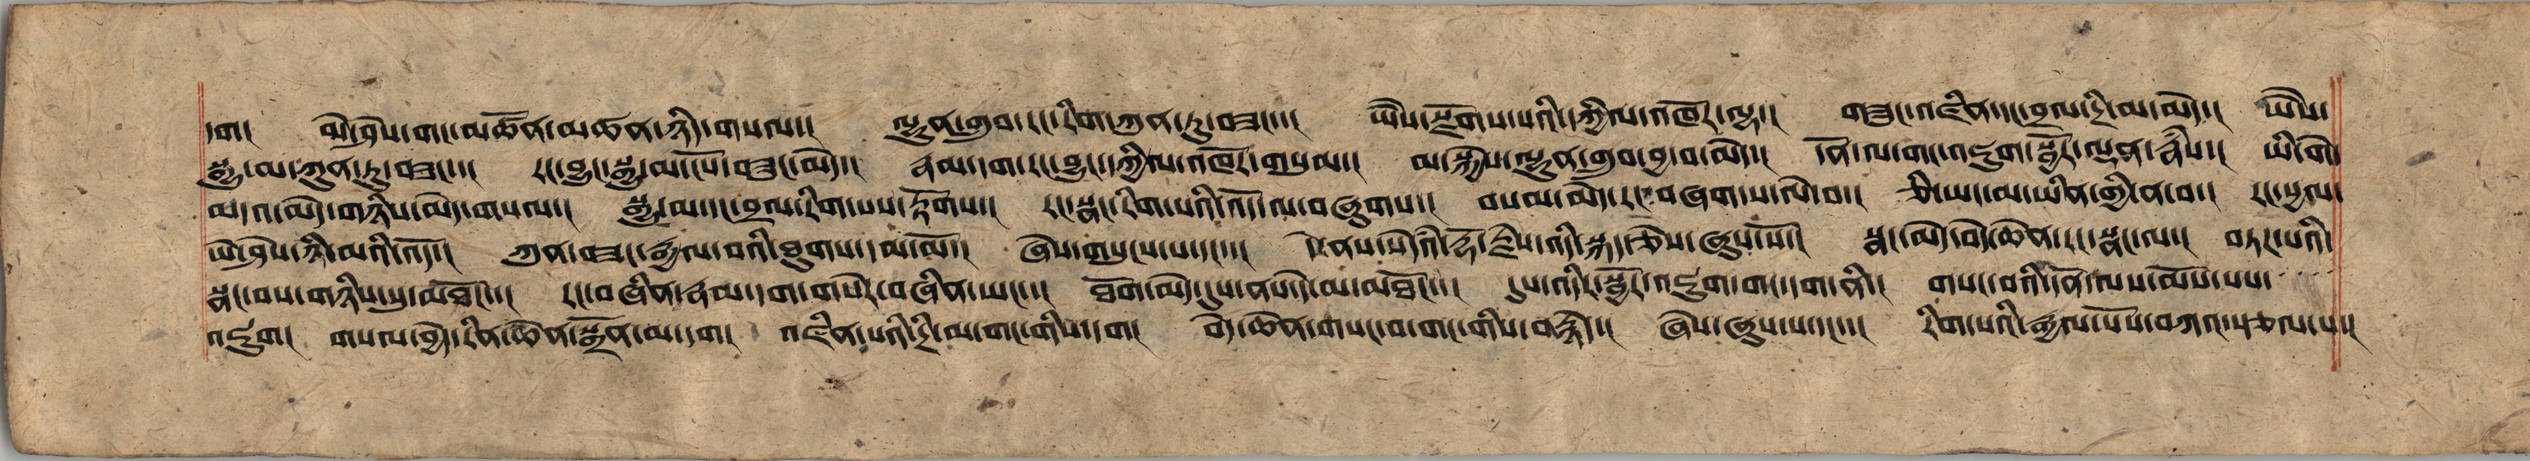དག། ཡེ་ཤེས་གང་མཚོན་མཚན་ཉེད་གསལ་། ལྷུན་གྲུབ་རང་རིག་ཀུན་ཏུ་བཟང་། ཡཻས་སྫོགས་པའི་དཀྱིལ་འཁོར་ལྷ་། གཟུང་འཛིན་དང་བྲལ་དྲི་མ་མེད་། ཡཻས་
སྒྱུ་མ་ཀུན་ཏུ་བཟང་། རང་བྱུང་སྒྱུ་མ་ངོས་བཟུང་མེད་། རྣམ་དག་རང་བྱུང་དཀྱིལ་འཁོར་གསུམ་། མ་སྐྱེས་ལྷུན་གྲུབ་བྱ་བ་མེད་། དོན་ལ་གང་འཇུག་སྦྱོར་ལྡན་རྣཾས་། ཡི་གེ
མདའ་མེད་གཉིས་མེད་གསལ་། སྒྱུ་མ་དང་བྲལ་རིག་པས་རྟོགས་། རང་སྣང་རིག་པའི་འོད་ལ་བཞུགས་། བསམ་མེད་རང་བཞག་ས་ལེ་བ་། ཅི་ཡང་མ་ཡིན་གྱི་ན་བ་། རང་སྱལ་
ཡེ་ཤེས་ཉི་མའི་འོད་། ཀུན་བཟང་རྒྱལ་བའི་ཐུགས་དམ་མོ་། ཞེས་གསུངས་པ་དང་་། དེ་ནས་སེཾའ་རྡོ་རྗོས་འདི་སྐད་ཅེས་ཞུས་སོ་། སྣང་མེད་བདེ་ཆེན་རང་སྣང་ལ་། བཏཌ་པའི་
སྣང་བས་གཉིས་སུ་མཐོང་། རང་བཞིན་རྣམ་དག་གསེར་བཞིན་ཡང་་། ཐོག་མེད་དུས་ནས་དེ་མ་མཐོང་་། དུས་འདིར་སྦྱོར་འཇུག་གར་དག་ནི་། གསང་བའི་དོན་ལས་མོས་པས་
འཇུག། གསལ་བྱེད་རིན་ཆེན་སྒྲོན་མ་དག། འཛིན་པའི་དྲི་མ་གང་གིས་དག། བདེ་ཆེན་གསང་བ་གང་གིས་བརྙེད་། ཞེས་ཞུས་པ་དང་་། རིག་པའི་རྒྱལ་པོས་བཀའ་རྩལ་པ་།